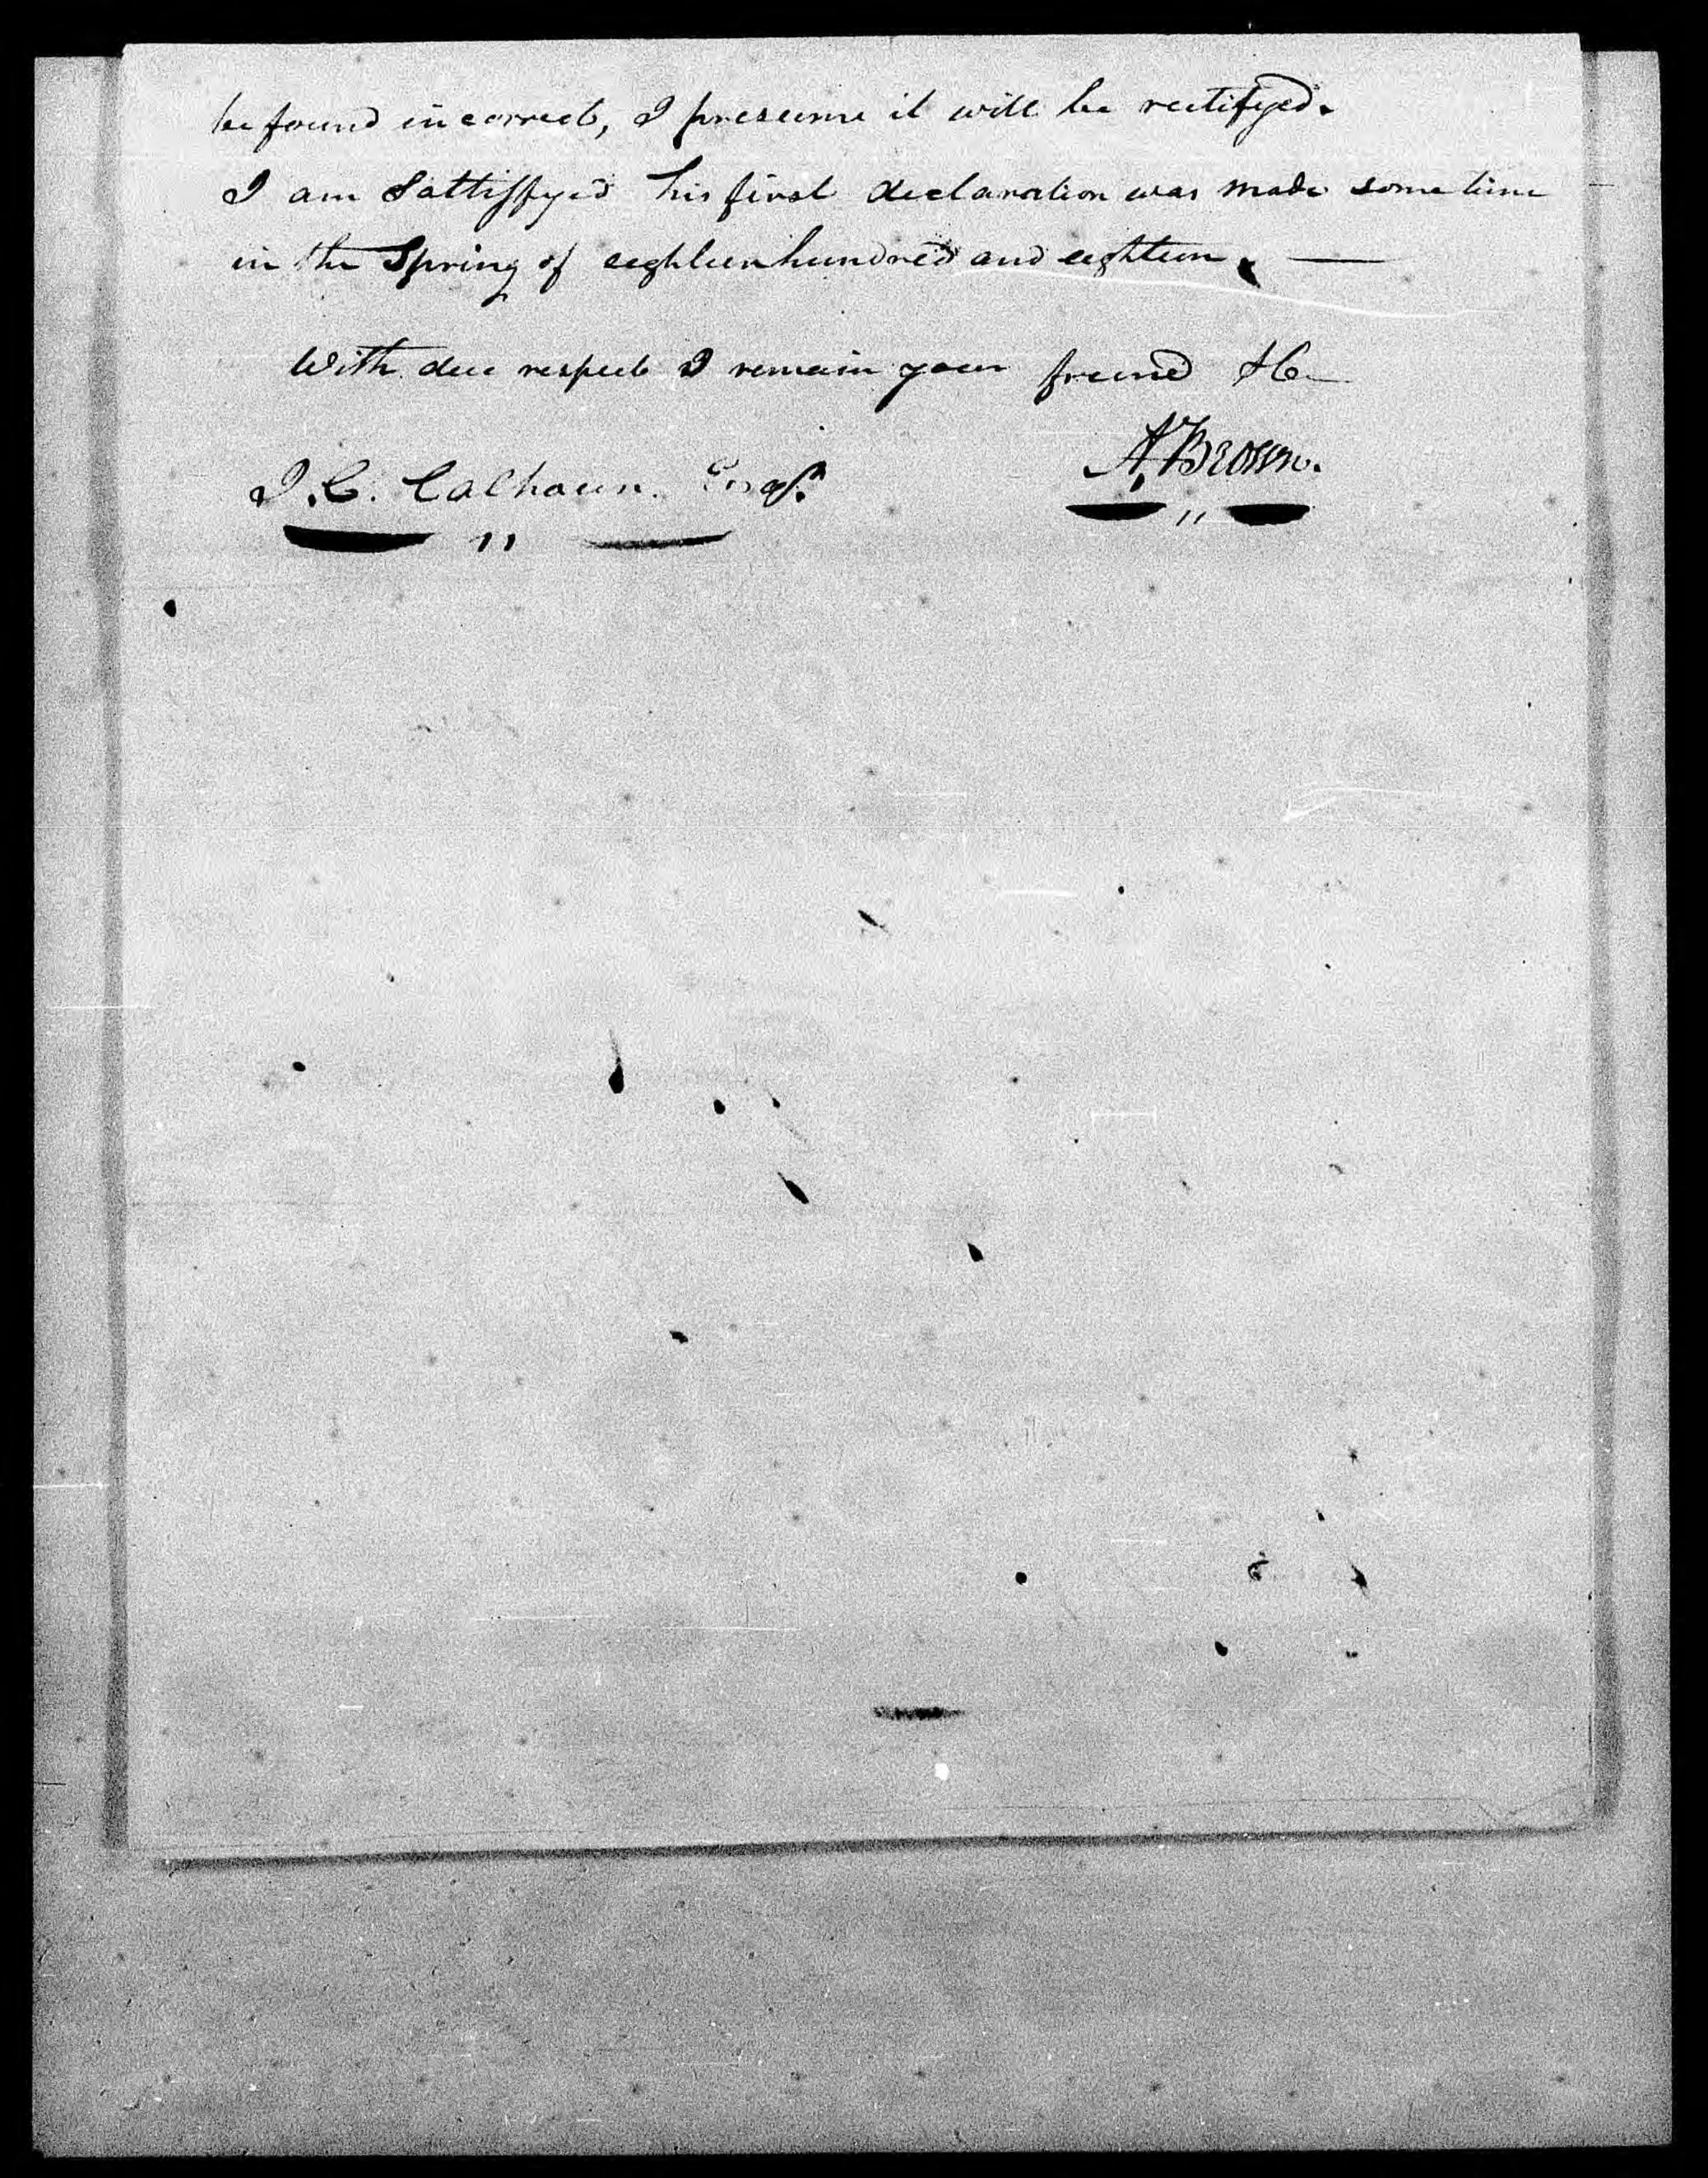be found incorrect, I presume it will be rectified. 
I am satisfyed his final declaration was made some time in the Spring of eighteen hundred and eighteen. 
With due respect I remain your friend &C.
[signature] A Brown.

J. C. Calhaun Esqr.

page: 6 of 59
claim: widow's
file: W 3703, for Robert Mc Donald, Pennsylvania